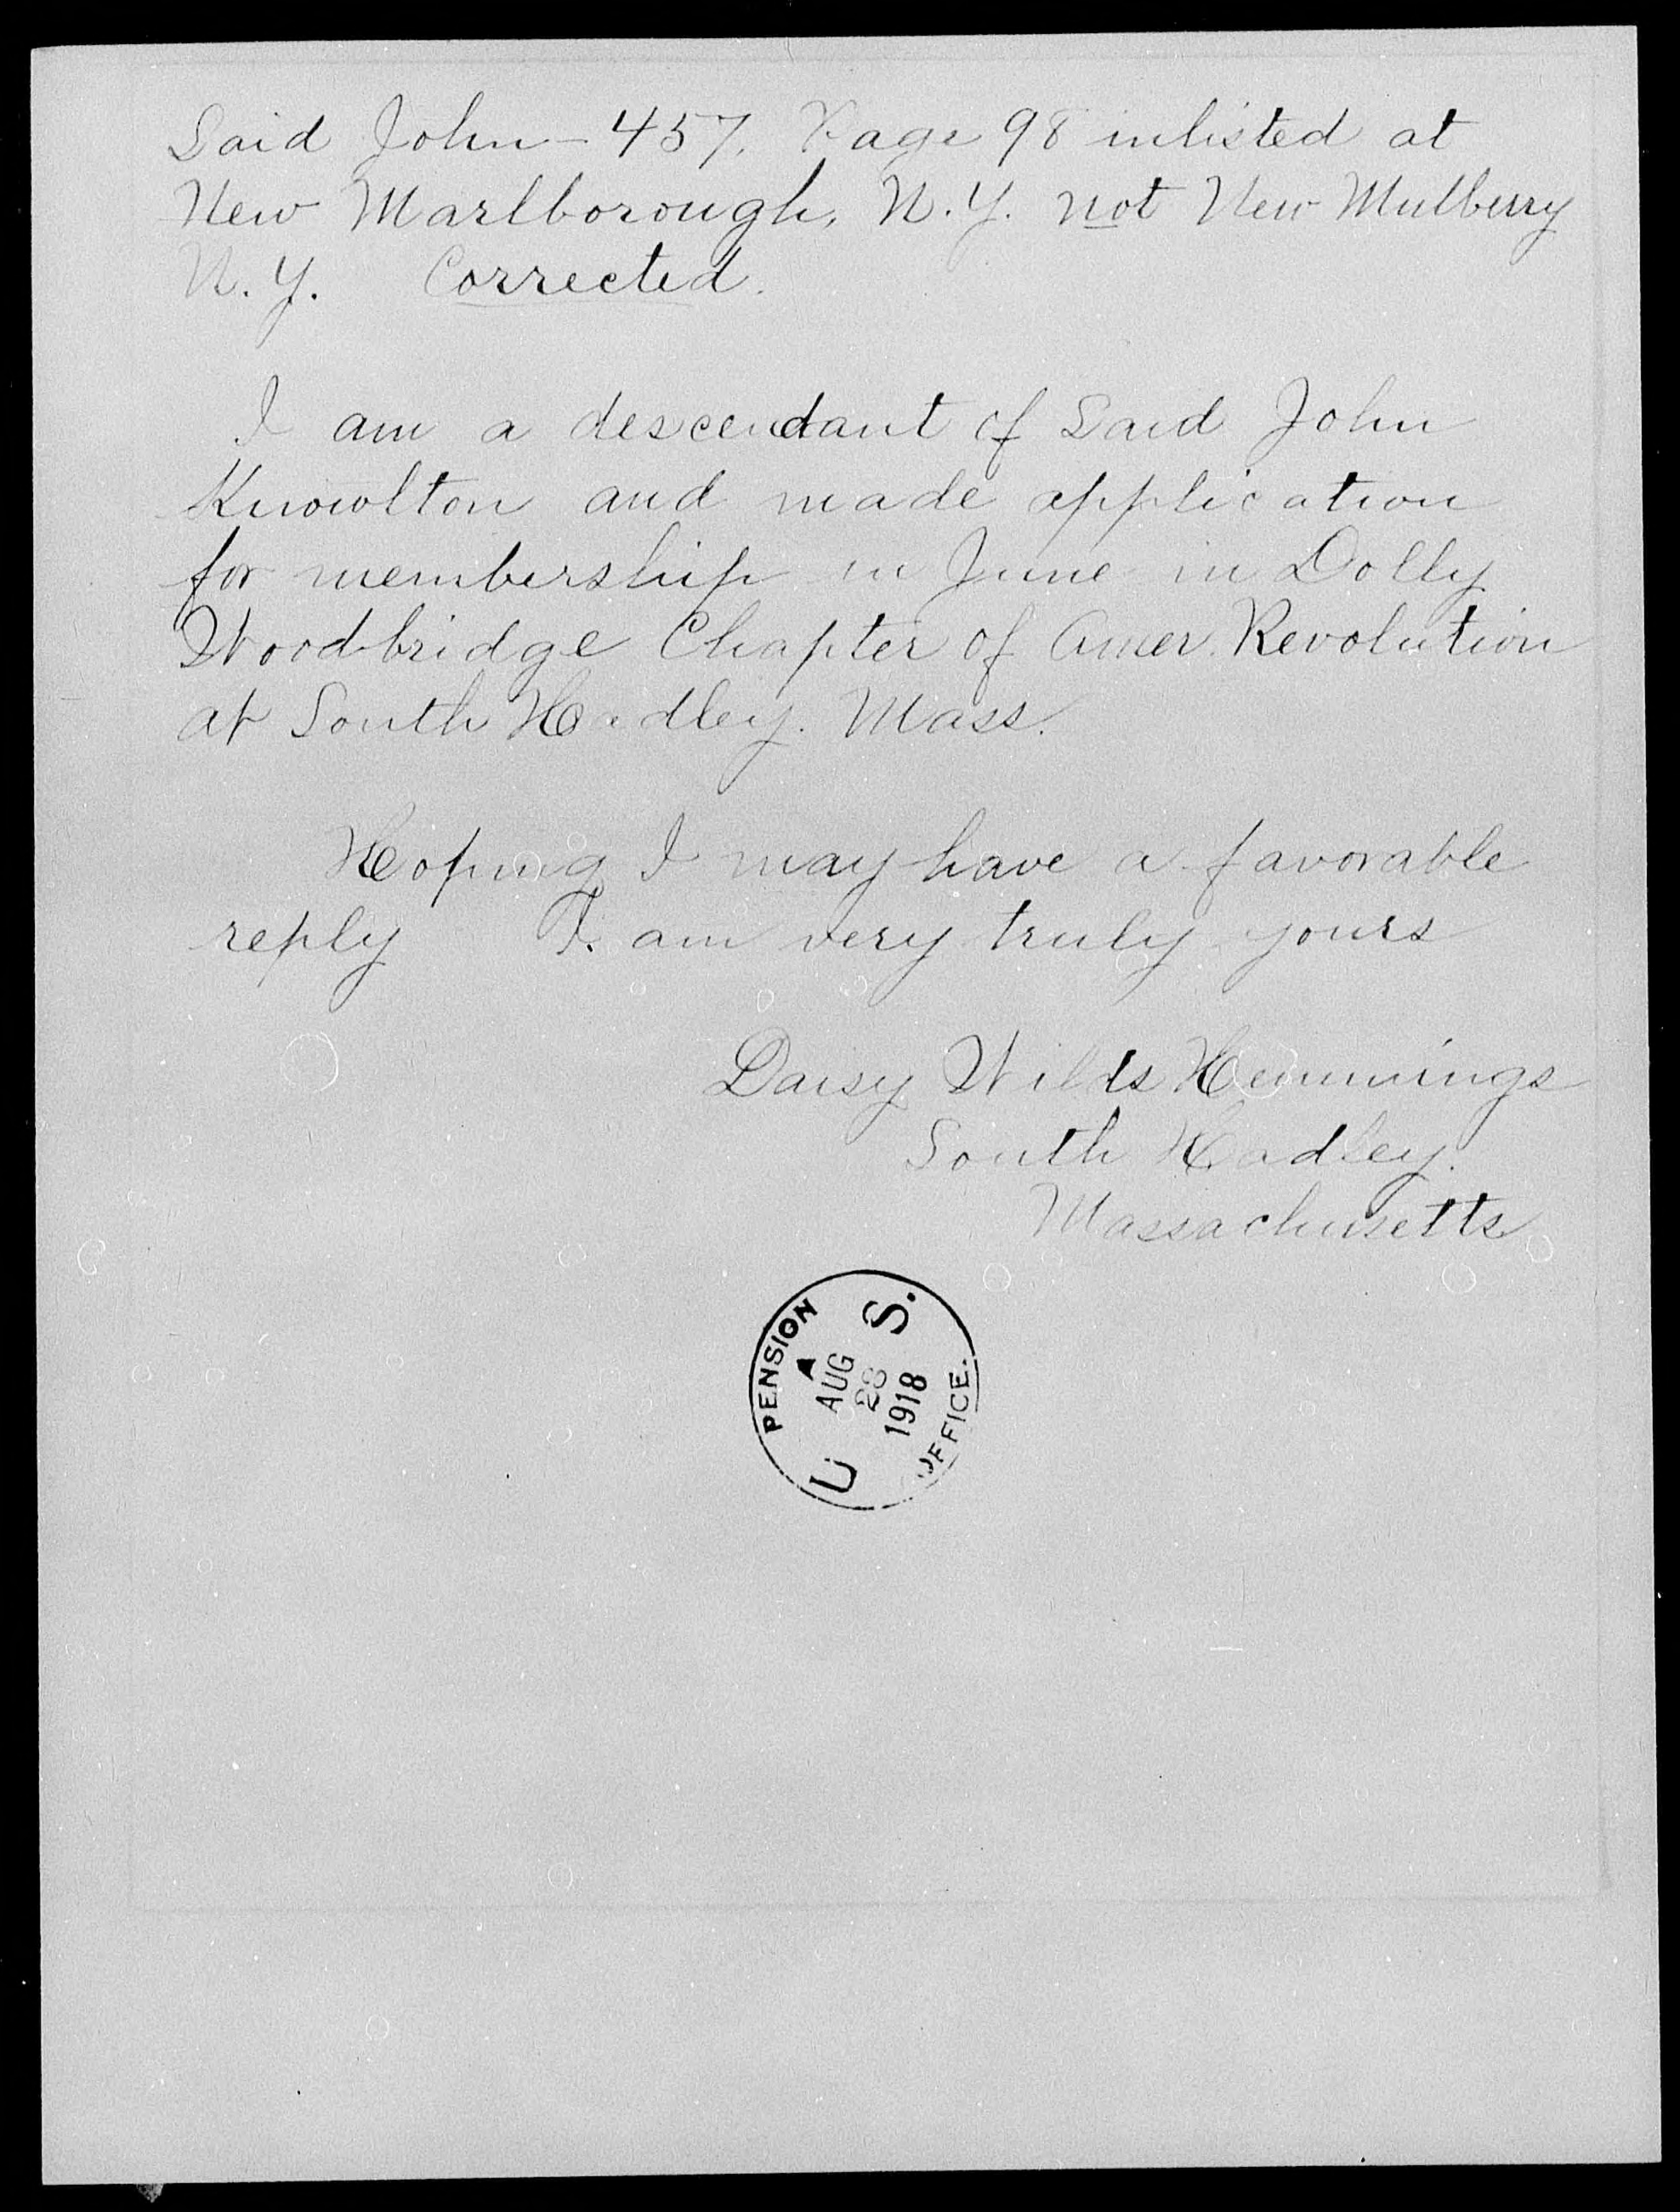Said John 457 Page 98 enlisted at New Marlborough, N.Y. not New Mulberry, N.Y. Corrected 

I am a descendant of said John Knowlton and made application for membership in June in Dolly Woodbridge Chapter of American Revolution at South Hadley, Massachusetts. 

Hoping I may have a favorable reply. I am very truly yours. 
Daisy Wilds Hemmings 
South Hadley
Massachusetts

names: John Knowlton; Daisy Wilds Hemmings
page: 21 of 25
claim: survivor's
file: S. 13668, for John Knowlton, New York